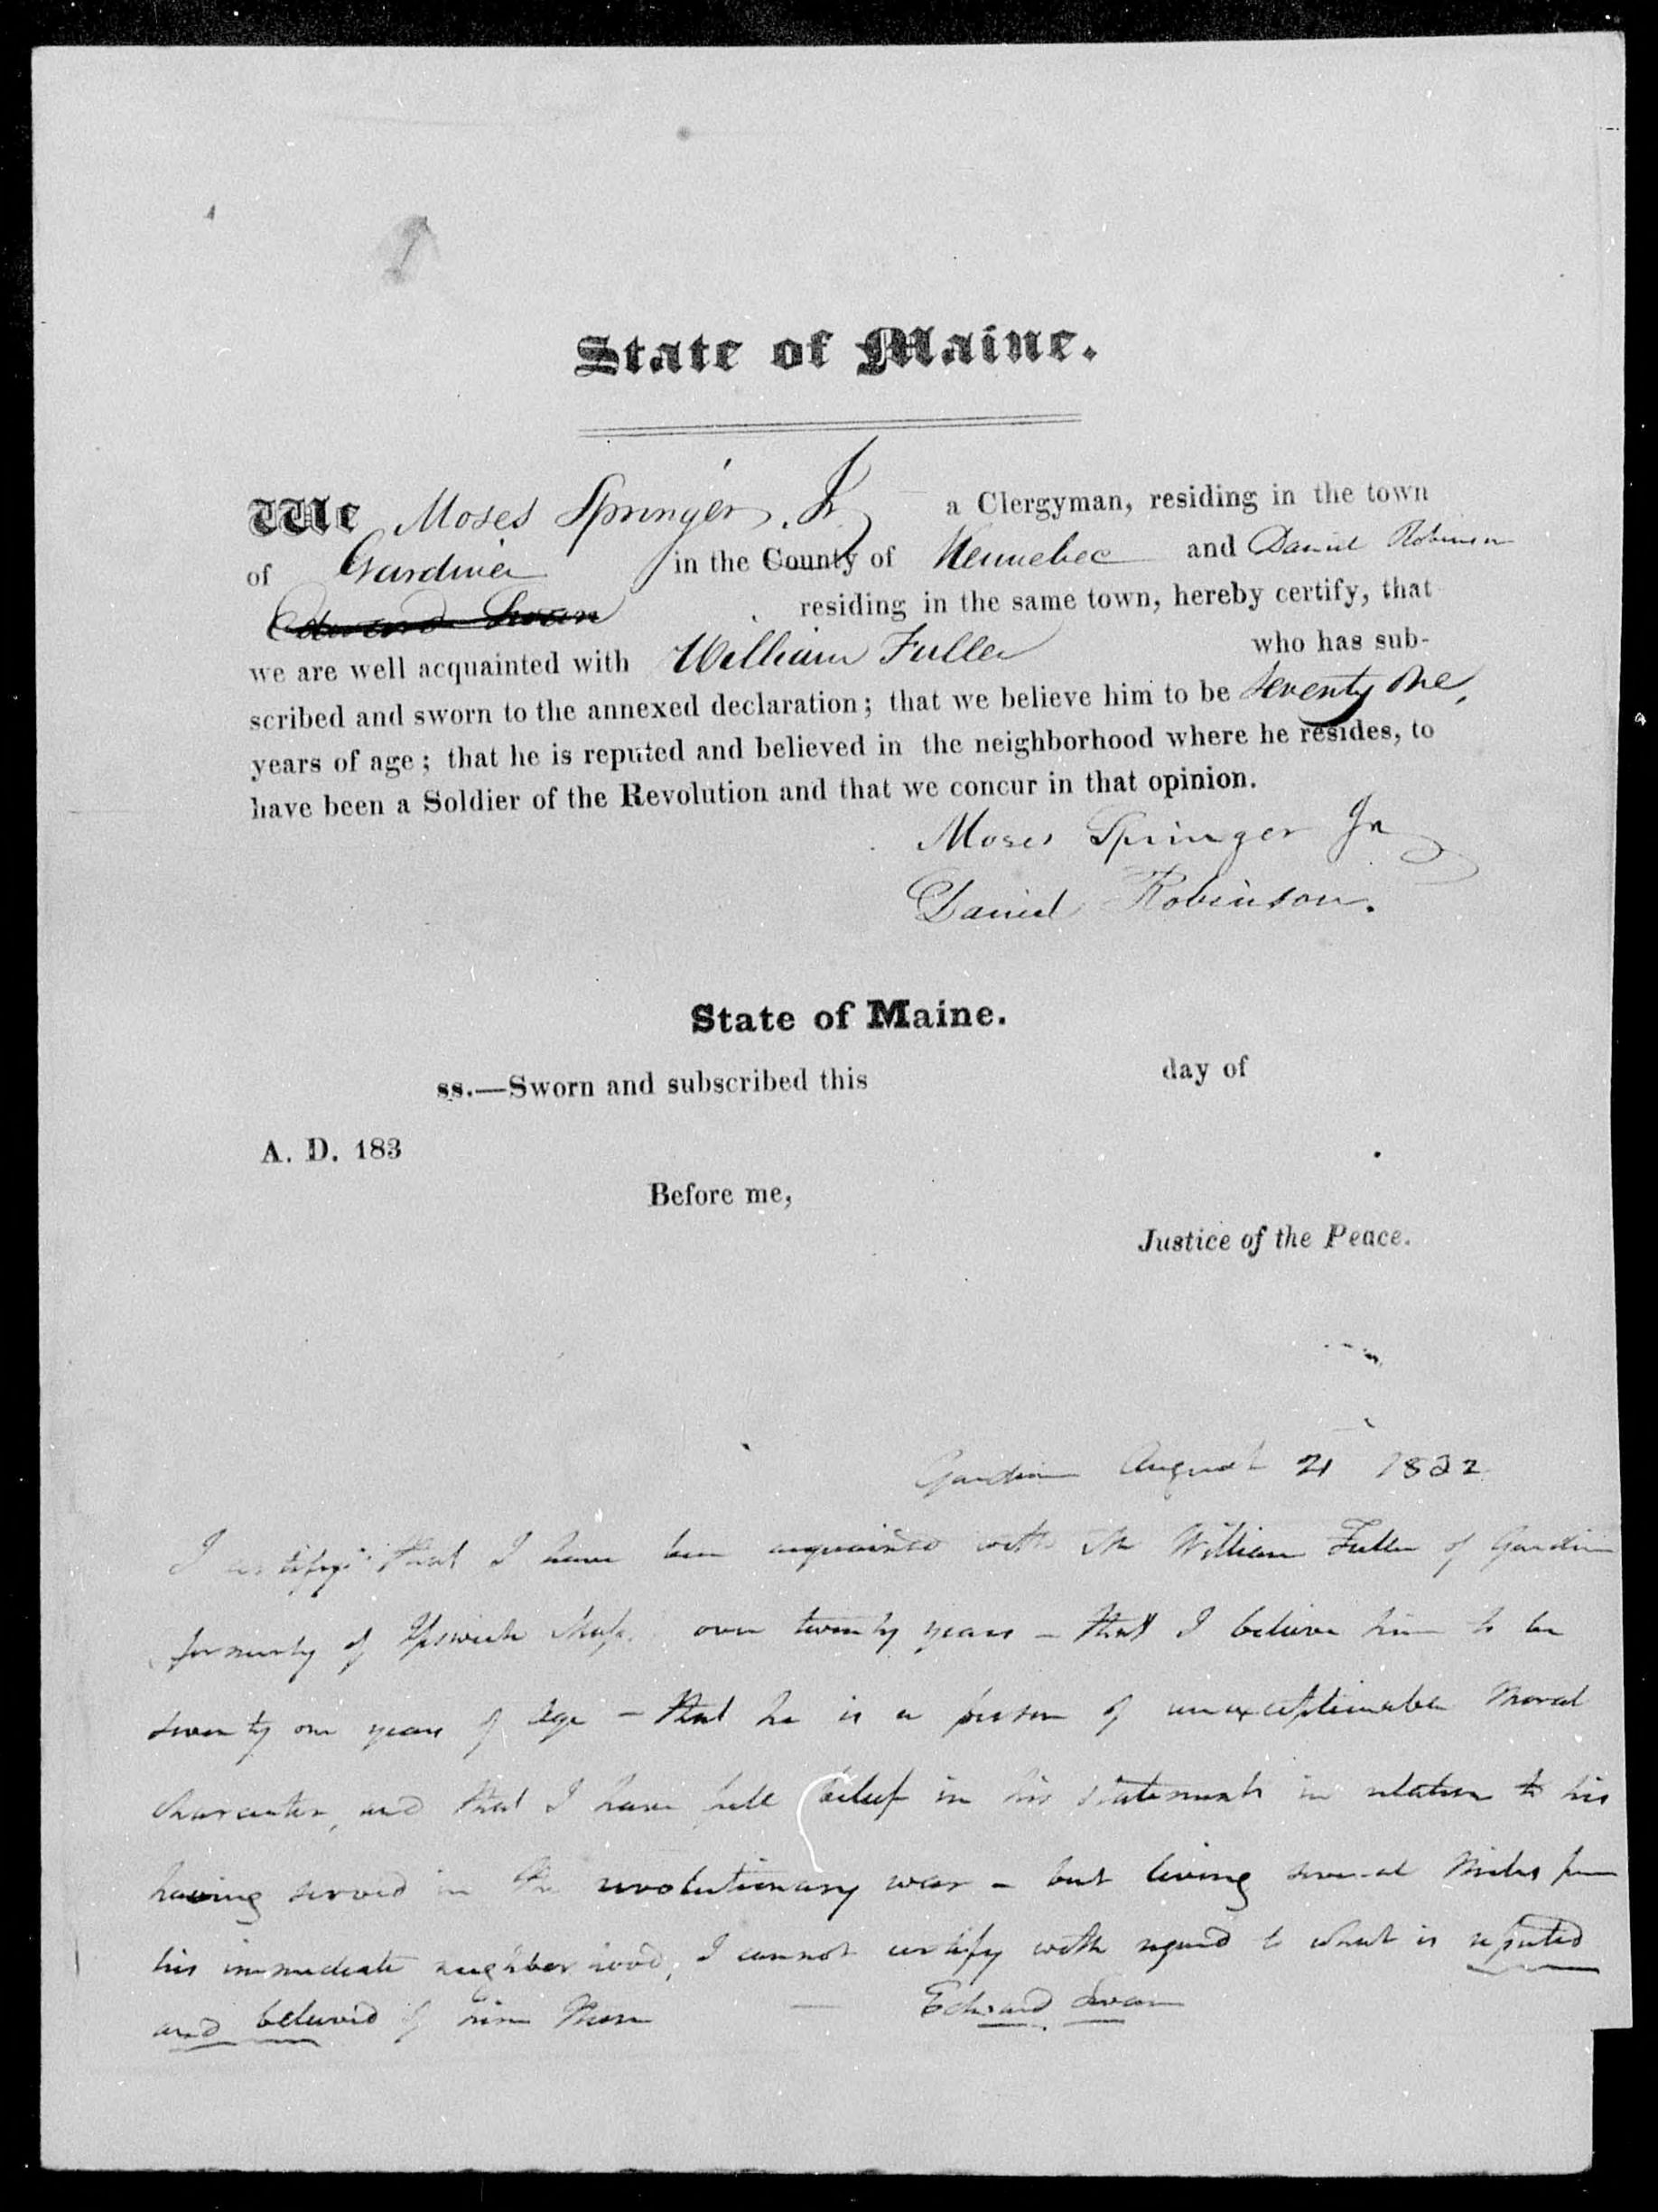State of Maine.
We Moses Springer, Jr. a Clergyman, residing in the town of Gardiner in the County of Kennebec and Daniel Robinson [crossed out: Edward Swan] residing in the same town, hereby certify, that we are well acquainted with William Fuller who has subscribed and sworn to the annexed declaration; That we believe him to be seventy one years of age; That he is reputed and believed in the neighborhood where he resides to have been a Soldier of the Revolution and that we concur in that opinion.
Moses Springer Jr.
Daniel Robinson.

State of Maine.
ss.-Sworn and subscribed this __ day of__A. D. 183__Before me,__Justice of the Peace.

Gardiner  August 21 1832
I certify that I have been acquainted with Mr. William Fuller of Gardiner formerly of Ipswich Mass. over twenty years - that I believe him to be seventy one years of age - that he is a person of unsusceptible moral character, and that I have full belief in his statement in relation to his having served in the Revolutionary War - but living several miles from his immediate neighborhood, I cannot testify with regard to what is reputed and believed of him now -   Edward Swan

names: Edward Swan, Moses Springer, Daniel Robinson, Moses Springer, William Fuller, Daniel Robinson, Edward Swan, William Fuller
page: 22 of 45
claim: widow's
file: W. 17933, William Fuller, Mass